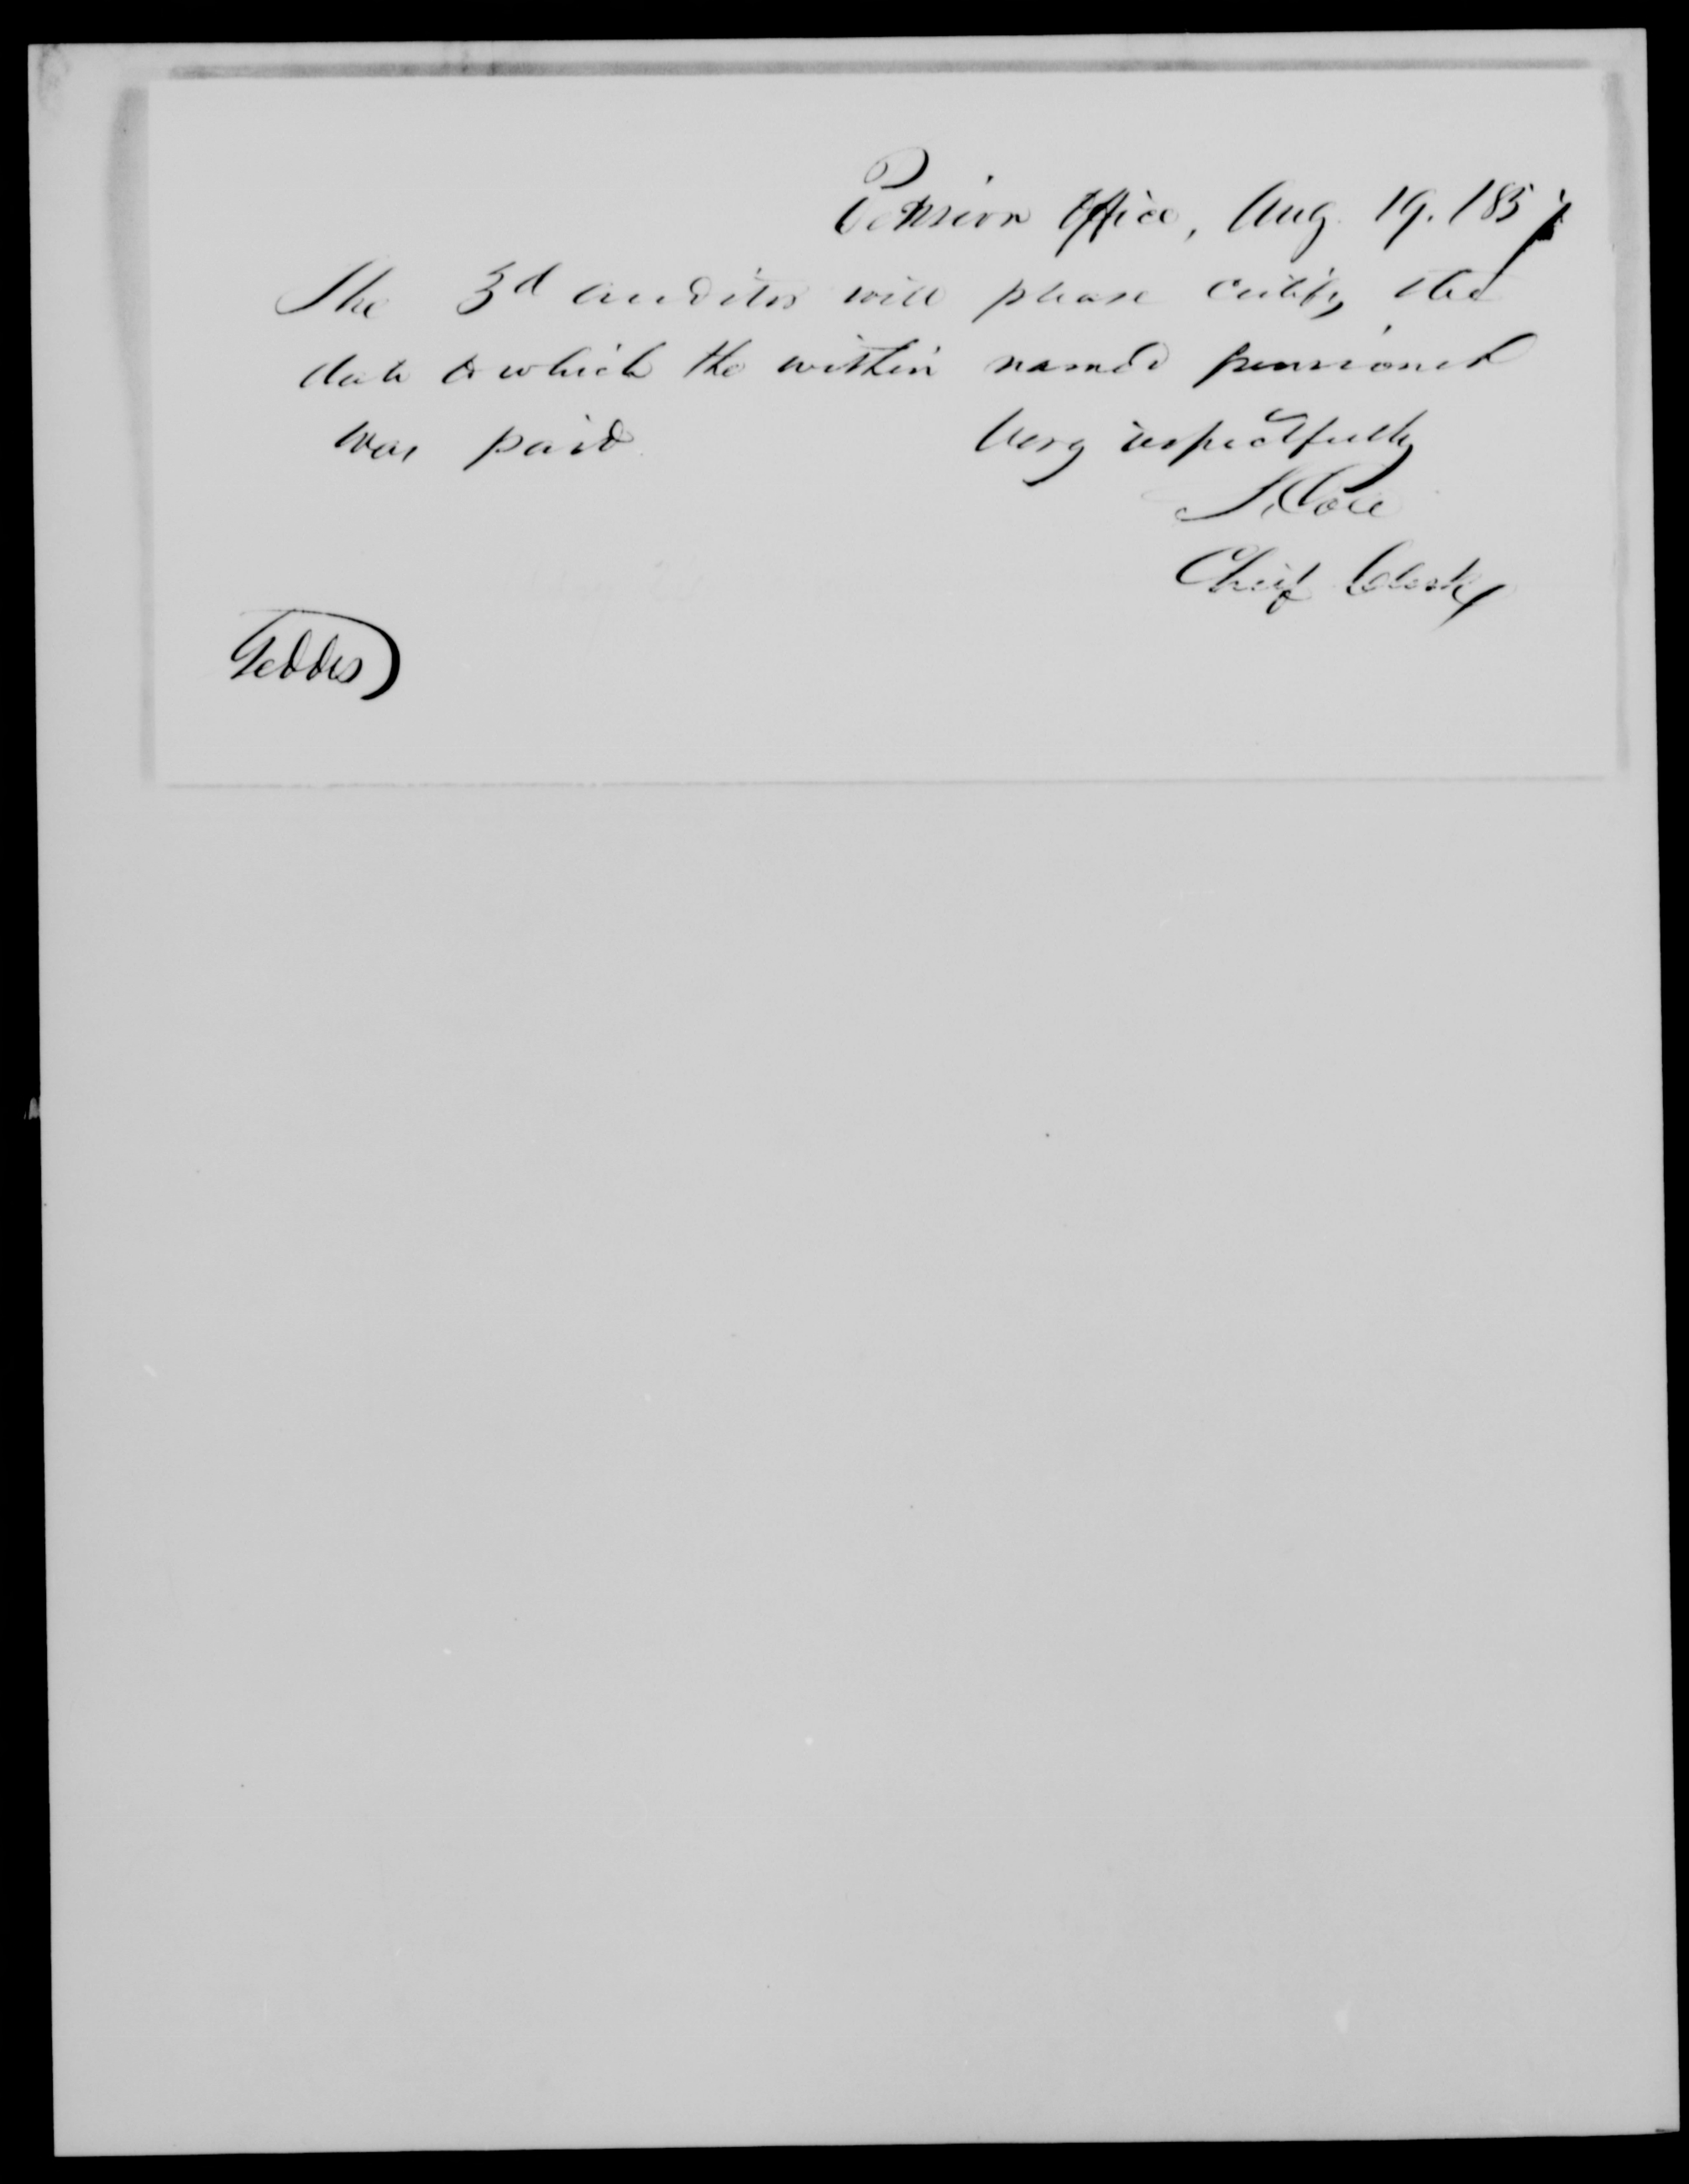Pension Office, Aug. 19. 1857
The 3d auditor will please certify the date to which the within named pensioner was paid
Very respectfully
S Cole
Chief Clerk

Geddes)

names: S Cole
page: 16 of 32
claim: survivor's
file: S. 16020, Thomas Whitlock, Va.